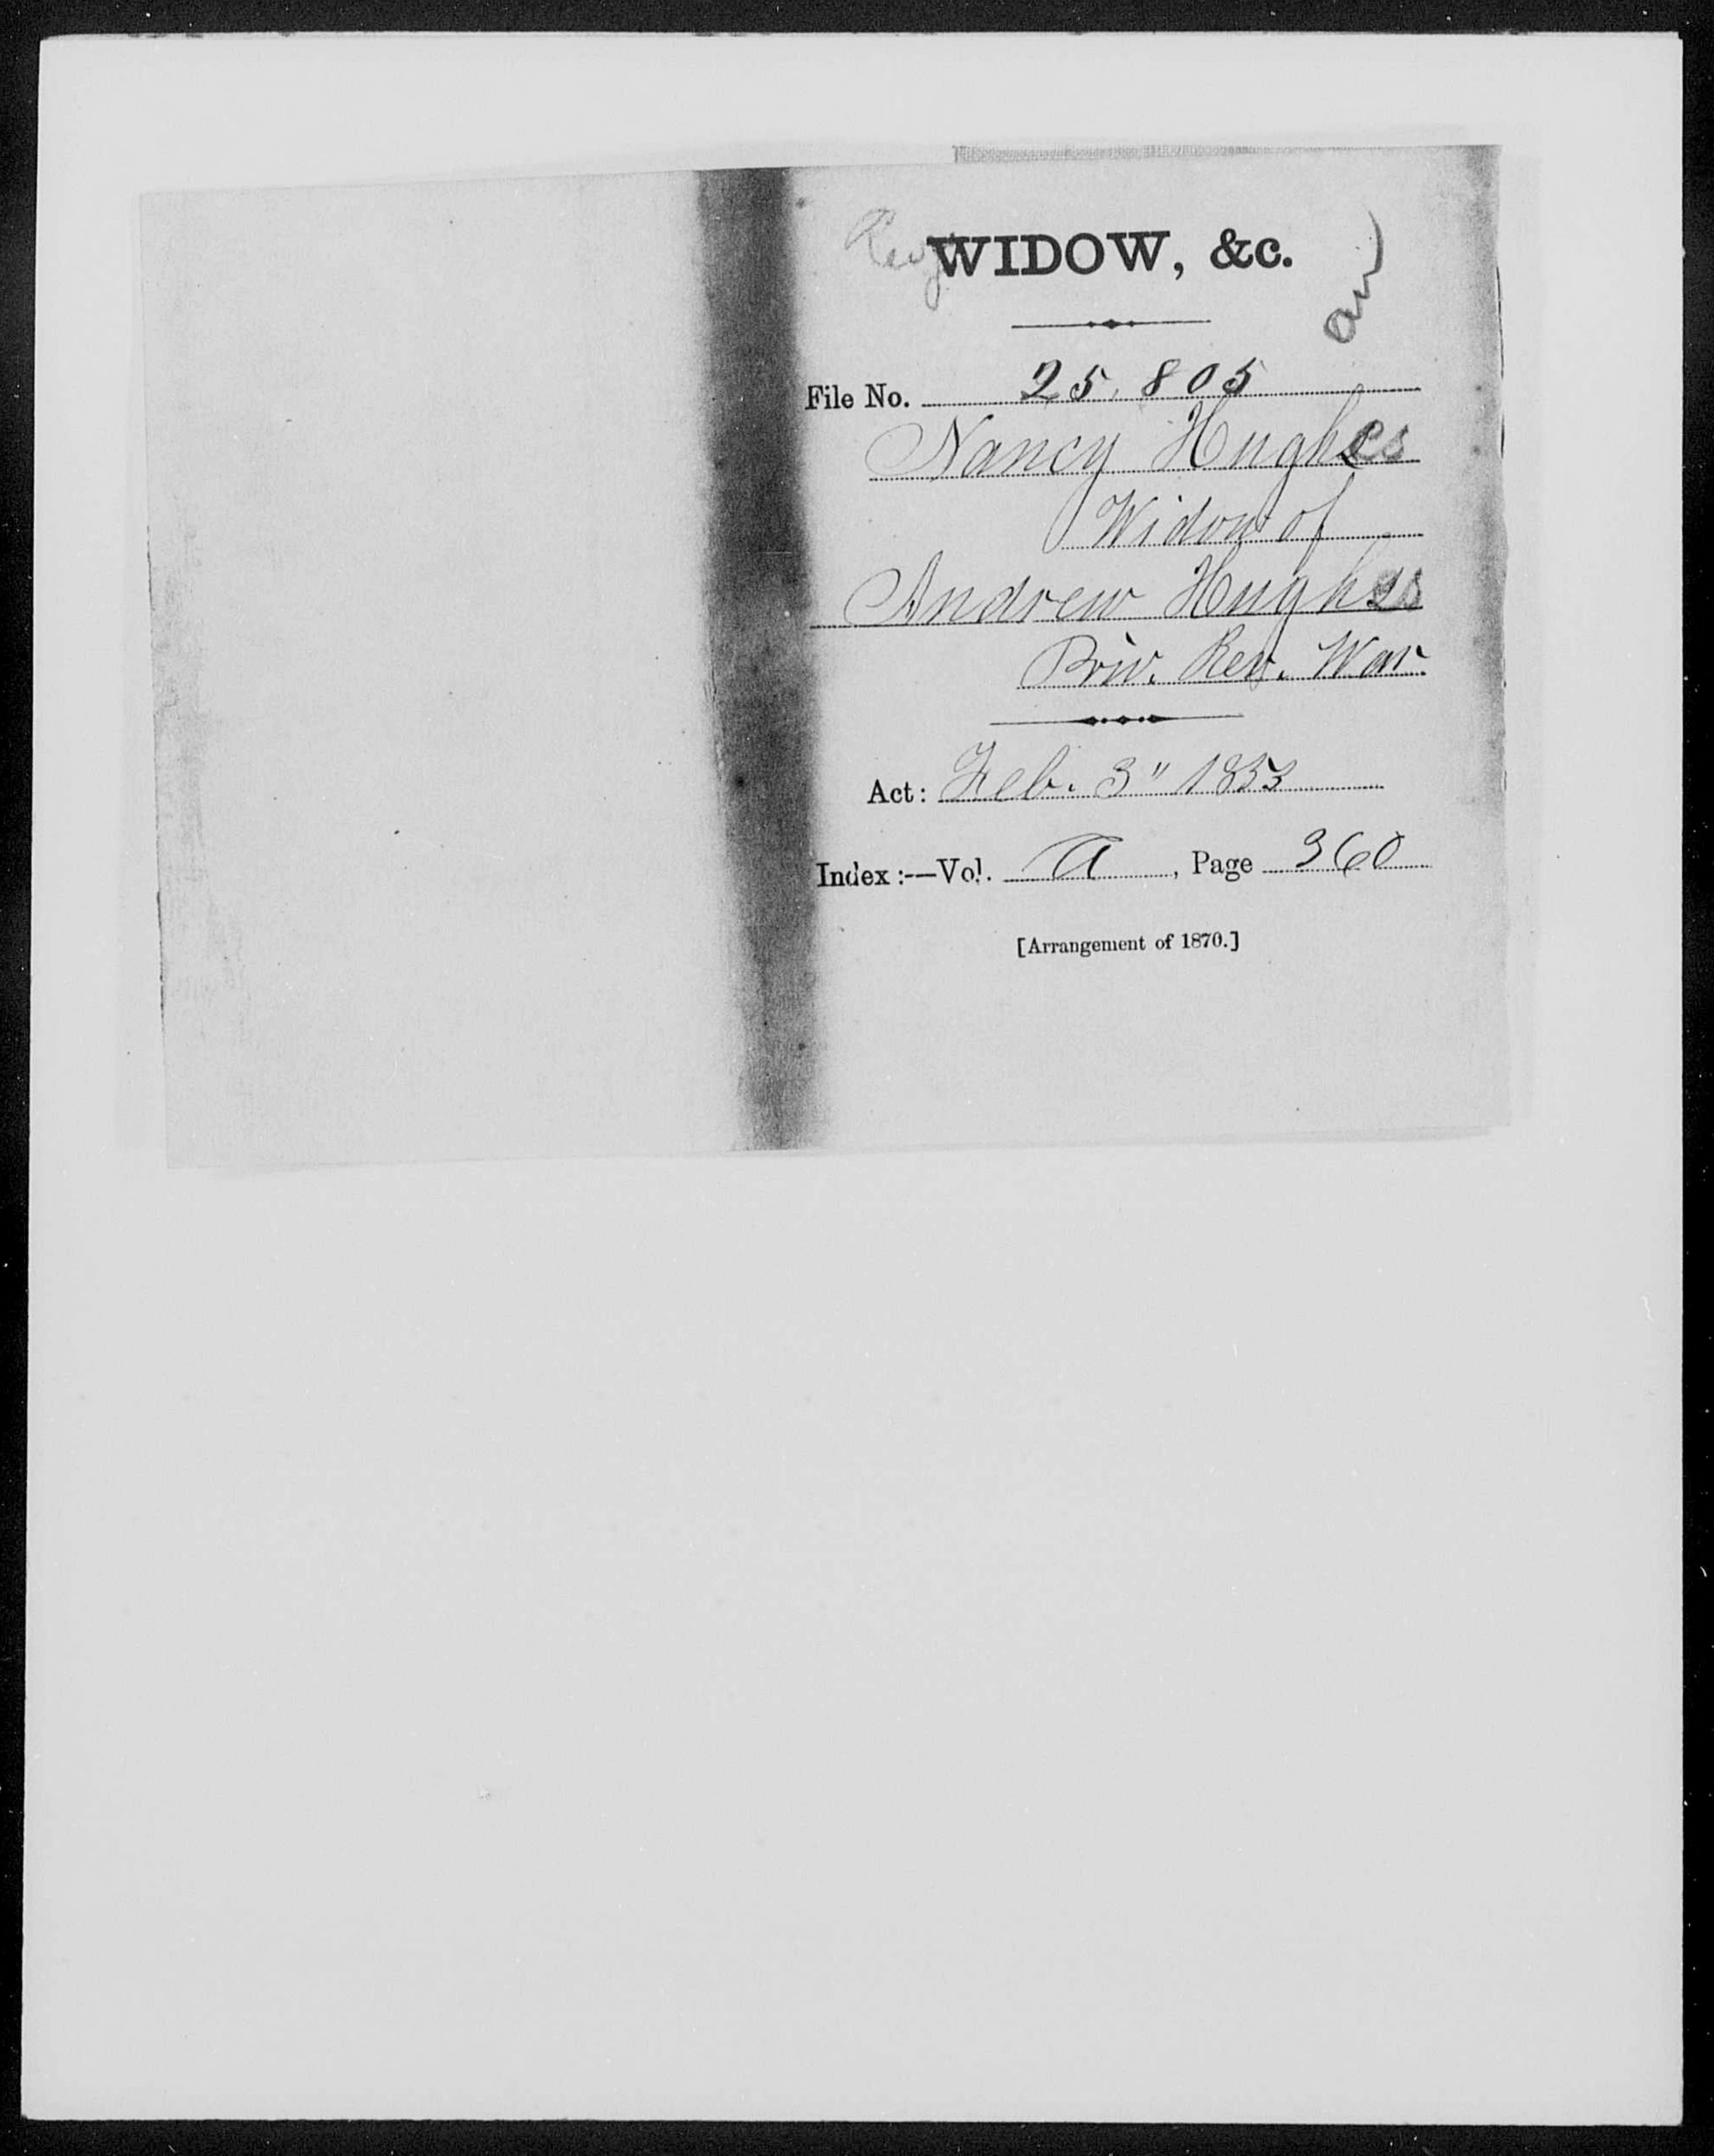Revy [top right] Widow, & c. our [top left]
File No. 25, 805
Nancy Hughes
Widow of
Andrew Hughes
Priv. Rev. War
Act: Feb 3" 1833
Index: Vol. A, Page 360
[Arrangement of 1870.]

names: Nancy Hughes, Andrew Hughes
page: 31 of 75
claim: widow's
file: W. 25805, Andrew Hughes, N.C.